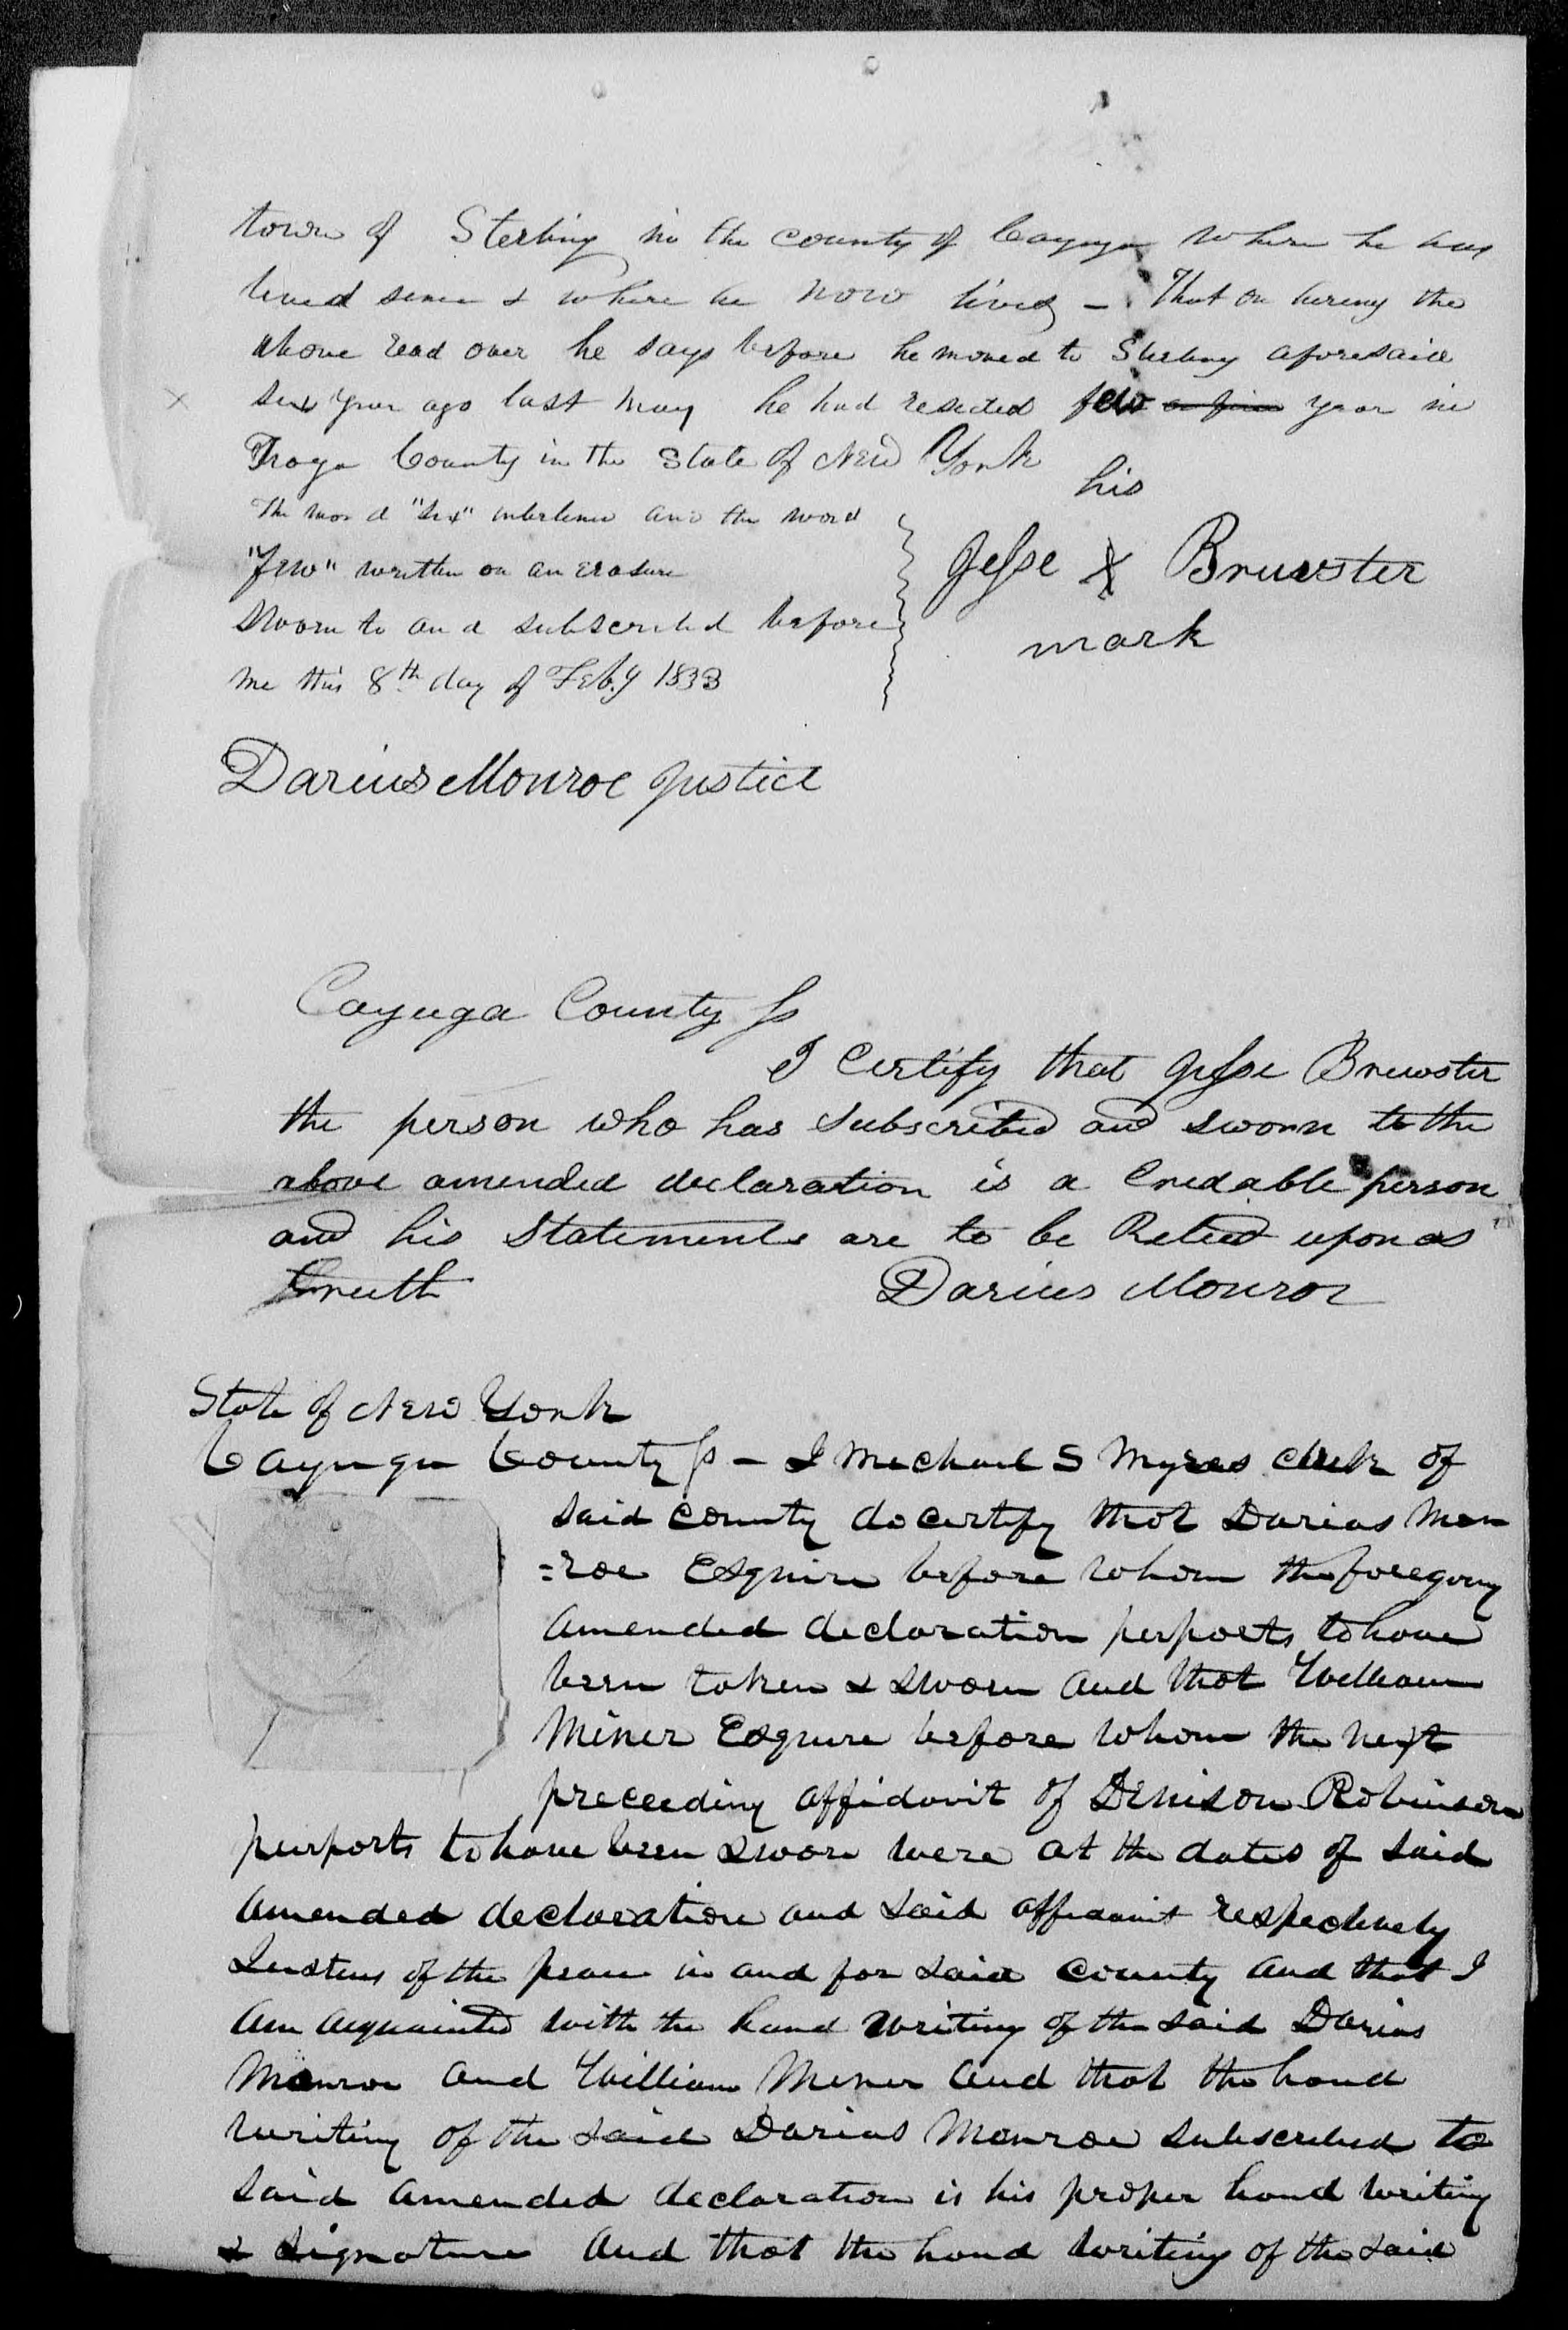town of Sterling in the county of Cayuga where he has lived since + where he now lived.  That on heresy the above read over he says before he moved to Sterling aforesaid six year ago last May he had resected few year in Troy county in the state of New York 
Jesse Brewster (his X mark)
The word a "six" subscribed and sworn "few" written on an erasure sworn to and subscribed before me this 8th day of Feb 9 1833
Darius Monroe Justice
Cayuga County 
I certify that Jesse Brewster the person who has subscribed and sworn to the above  amended declaration is a credible person and his Statements are to be relied upon as truth   Darius Monroe
State of New York Cayuga County . I Michael S Myers clerk of said county do certify that Darius Monroe esquire before whom the foregoing amended declaration perports to had been taken + sworn and that William Miner Esquire before whom the next preceeding affidavit of Denison Robinson purports to have been sworn were at the dates of said amended declaration and said affidavit respectively justice of the peace in and for said county and that I am acquainted with the had writing of the said Darius Monroe and William Miner and that the hand writing of the said Darius Monroe subscribed to said amended declaration is his proper hand writing + signature and that the hand writing of this said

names: Denison Robinson, Jesse Brewster, William Miner, William Miner, Darius Monroe, Darius Monroe, Darius Monroe, Darius Monroe, Michael S Myers, Darius Monroe, Jesse Brewster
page: 14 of 26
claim: survivor's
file: S. 12,291, Jesse Brewster, New York